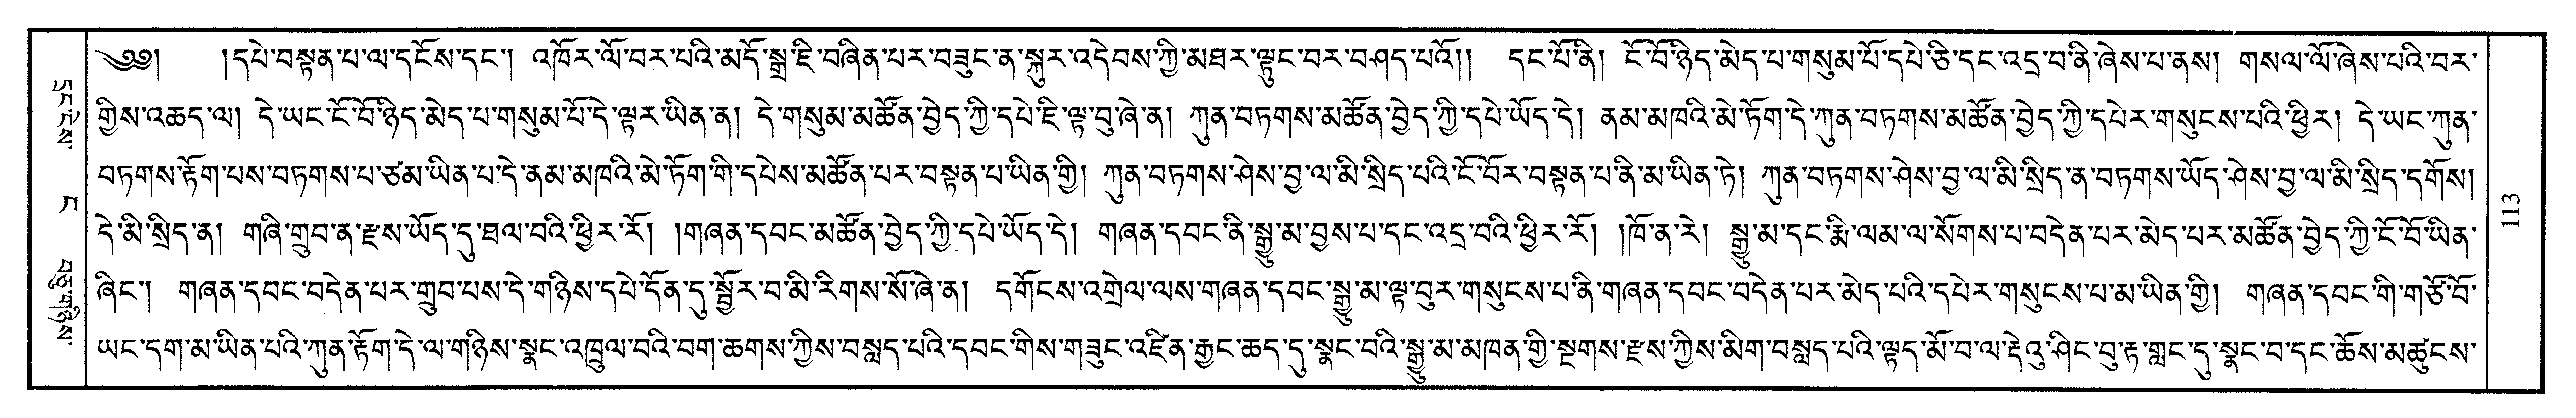༄༅། །དཔེ་བསྟན་པ་ལ་དངོས་དང་། འཁོར་ལོ་བར་པའི་མདོ་སྒྲ་ཇི་བཞིན་པར་བཟུང་ན་སྐུར་འདེབས་ཀྱི་མཐར་ལྟུང་བར་བཤད་པའོ།། དང་པོ་ནི། ངོ་བོ་ཉིད་མེད་པ་གསུམ་པོ་དཔེ་ཅི་དང་འདྲ་བ་ནི་ཞེས་པ་ནས། གསལ་ལོ་ཞེས་པའི་བར་
གྱིས་འཆད་ལ། དེ་ཡང་ངོ་བོ་ཉིད་མེད་པ་གསུམ་པོ་དེ་ལྟར་ཡིན་ན། དེ་གསུམ་མཚོན་བྱེད་ཀྱི་དཔེ་ཇི་ལྟ་བུ་ཞེ་ན། ཀུན་བཏགས་མཚོན་བྱེད་ཀྱི་དཔེ་ཡོད་དེ། ནམ་མཁའི་མེ་ཏོག་དེ་ཀུན་བཏགས་མཚོན་བྱེད་ཀྱི་དཔེར་གསུངས་པའི་ཕྱིར། དེ་ཡང་ཀུན་
བཏགས་རྟོག་པས་བཏགས་པ་ཙམ་ཡིན་པ་དེ་ནམ་མཁའི་མེ་ཏོག་གི་དཔེས་མཚོན་པར་བསྟན་པ་ཡིན་གྱི། ཀུན་བཏགས་ཤེས་བྱ་ལ་མི་སྲིད་པའི་ངོ་བོར་བསྟན་པ་ནི་མ་ཡིན་ཏེ། ཀུན་བཏགས་ཤེས་བྱ་ལ་མི་སྲིད་ན་བཏགས་ཡོད་ཤེས་བྱ་ལ་མི་སྲིད་དགོས།
དེ་མི་སྲིད་ན། གཞི་གྲུབ་ན་རྫས་ཡོད་དུ་ཐལ་བའི་ཕྱིར་རོ། །གཞན་དབང་མཚོན་བྱེད་ཀྱི་དཔེ་ཡོད་དེ། གཞན་དབང་ནི་སྒྱུ་མ་བྱས་པ་དང་འདྲ་བའི་ཕྱིར་རོ། །ཁོ་ན་རེ། སྒྱུ་མ་དང་རྨི་ལམ་ལ་སོགས་པ་བདེན་པར་མེད་པར་མཚོན་བྱེད་ཀྱི་ངོ་བོ་ཡིན་
ཞིང་། གཞན་དབང་བདེན་པར་གྲུབ་པས་དེ་གཉིས་དཔེ་དོན་དུ་སྦྱོར་བ་མི་རིགས་སོ་ཞེ་ན། དགོངས་འགྲེལ་ལས་གཞན་དབང་སྒྱུ་མ་ལྟ་བུར་གསུངས་པ་ནི་གཞན་དབང་བདེན་པར་མེད་པའི་དཔེར་གསུངས་པ་མ་ཡིན་གྱི། གཞན་དབང་གི་གཙོ་བོ་
ཡང་དག་མ་ཡིན་པའི་ཀུན་རྟོག་དེ་ལ་གཉིས་སྣང་འཁྲུལ་བའི་བག་ཆགས་ཀྱིས་བསླད་པའི་དབང་གིས་གཟུང་འཛིན་རྒྱང་ཆད་དུ་སྣང་བའི་སྒྱུ་མ་མཁན་གྱི་སྔགས་རྫས་ཀྱིས་མིག་བསླད་པའི་ལྟད་མོ་བ་ལ་རྡེའུ་ཤིང་བུ་རྟ་གླང་དུ་སྣང་བ་དང་ཆོས་མཚུངས་